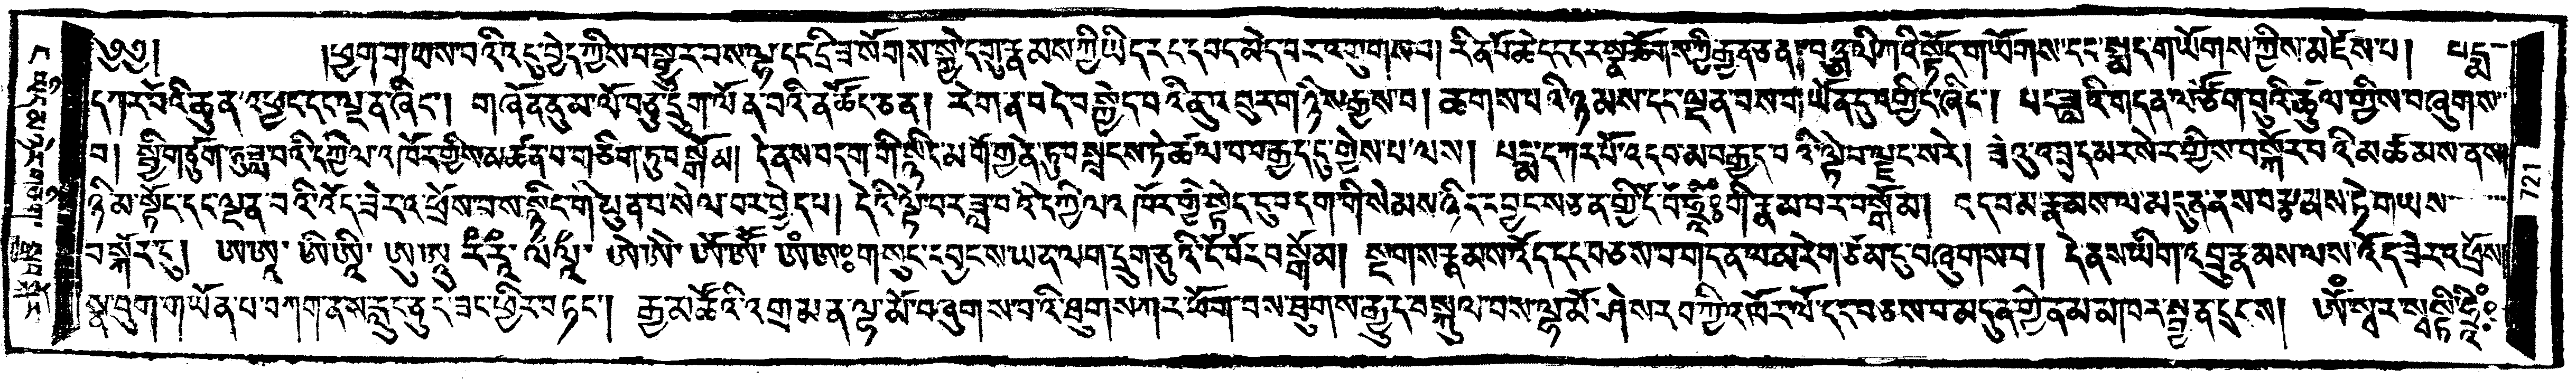༄༅། །ཕྱག་གཡས་བའི་འདུ་བྱེད་ཀྱིས་བསྒྱུར་བས་ལྷ་དང་དྲི་ཟ་སོགས་སྐྱེ་དགུ་རྣམས་ཀྱི་ཡིད་རང་དབང་མེད་བར་འགུགས་པ། རིན་པོ་ཆེ་དང་དར་སྣ་ཚོགས་ཀྱི་རྒྱན་ཅན། པཅཉ་ལེཀའི་སྟོད་གཡོགས་དང་སྨད་གཡོགས་ཀྱིས་མཛོས་པ། པདམ་
དཀར་བོའི་ཆུན་འཕྱང་དང་ལྡན་ཞིང་། གཞོན་ནུ་མ་ལོ་བཅུ་དྲུག་ལོན་བའི་ན་ཚོང་ཅན། རེག་ན་བདེ་བསྐྱེད་པའི་ནུ་འགུར་གཉིས་རྒྱས་པ། ཆགས་བའི་ཉམས་དང་ལྡན་བས་གཡོན་དུ་འགྱིང་ཞིང་། བད་ཟླའི་གདན་ལ་ཙོག་བུའི་ཚུལ་གྱིས་བཞུགས་
བ། སྦྱི་གཙུག་ཏུ་ཟླ་བའི་དཀྱིལ་འཁོར་གྱིས་མཚན་བ་གཅིག་ཏུ་བསྒོམ། དེ་ནས་བདག་གི་སྙིང་མགོ་གྱེན་ཏུ་བསླངས་ཏེ་ཚལ་བ་བརྒྱད་དུ་གྱིས་པ་ལས། པདམ་དཀར་བོ་འདབ་མ་བརྒྱད་བའི་ལྟེ་བ་ལྗང་སེར། ཟེའུ་འབྲུ་དམར་སེར་གྱིས་བསྐོར་བའི་མཚམས་ནས་
ཉི་མ་སྟོང་དང་ལྡན་བའི་འོད་ཟེར་འཕྲོས་བས་སྙིང་གི་མུན་བ་སེལ་བར་བྱེད་པ། དེའི་ལྟེ་བར་ཟླ་བའི་དཀྱིལ་འཁོར་གྱི་སྟེང་དུ་བདག་གི་སེམས་ཉིད་དབྱངས་ཅན་གྱི་ངོ་བོ་ཧྲཱིཿ གི་རྣམ་བར་བསྒོམ། འདབ་མ་རྣམས་ལ་མདུན་ནས་བརྩམས་ཏེ་གཡས་
བསྐོར་དུ། ཨ་ཨཱ་ཨི་ཨཱི་ཨུ་ཨཱུ་རྀ་རཱྀ་ལ་ལཾ་ལཱྀ། ཨེ་ཨཻ་ཨོ་ཨཽ་ཨི་ཨཿ གསུང་དབྱངས་ཡན་ལག་དྲུག་ཅུའི་ངོ་བོར་བསྒོམ། སྔགས་རྣམས་འོད་དང་བཅས་བ་གདན་ལ་མ་རེག་ཙམ་དུ་བཞུགས་པ། དེ་ནས་ཡིག་འབྲུ་རྣམས་ལས་འོད་ཟེར་འཕྲོས།
སྣ་བུག་གཡོན་པ་བཀག་ནས་རླུང་ཅུང་ཟང་ཕྱིར་བཏང་། རྒྱ་མཚོའི་འགྲམ་ན་ལྷ་མོ་བཞུགས་བའི་ཐུགས་ཀར་ཕོག་བས་ཐུགས་རྒྱུད་བསྐུལ་བས་ལྷ་མོ་ཤེས་རབ་ཀྱི་འཁོར་ལོ་དང་བཅས་བ་མདུན་གྱི་ནམ་མཁར་སྦྱན་དྲངས། ཨོཾ་སྭར་སྭ་སྟི་ཧྲཱིཿ